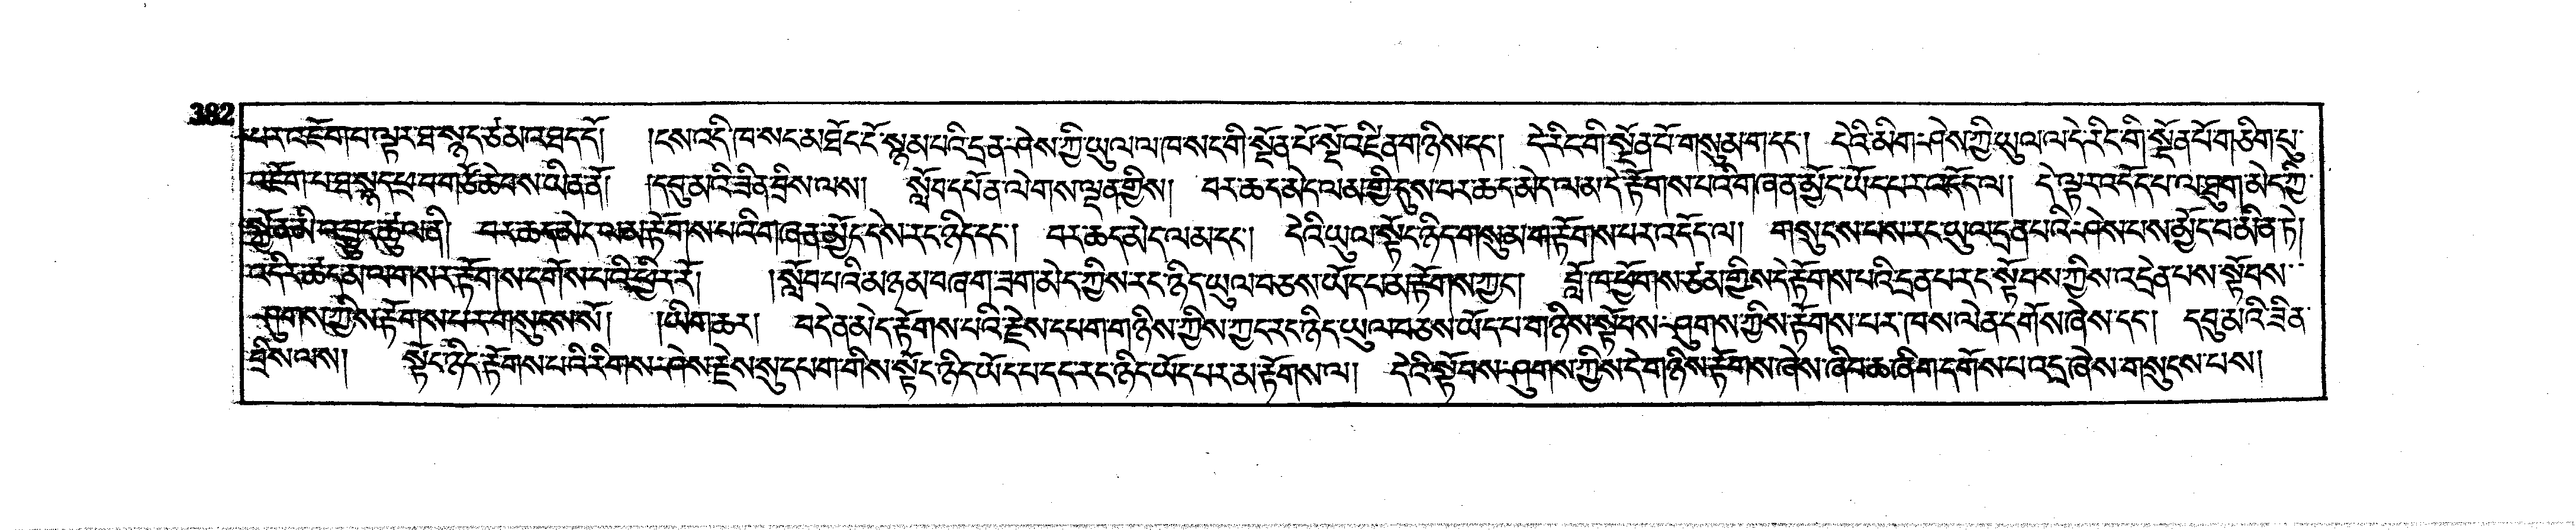པར་འཇོག་པ་ལྟར་ཐ་སྙད་ཙམ་འཐད་དོ། །ངས་འདི་ཁ་སང་མཐོང་ངོ་སྙམ་པའི་དྲན་ཤེས་ཀྱི་ཡུལ་ལ་ཁ་སང་གི་སྔོན་པོ་སྔོ་འཛིན་གཉིས་དང་། དེ་རིང་གི་སྔོན་པོ་གསུམ་ག་དང་། དེའི་མིག་ཤེས་ཀྱི་ཡུལ་ལ་དེ་རིང་གི་སྔོན་པོ་གཅིག་པུ་
འཇོག་པ་ཐ་སྙད་ཕྲ་བ་གཙོ་ཆེ་བས་ཡིན་ནོ། །དབུ་མའི་ཟིན་བྲིས་ལས། སློབ་དཔོན་ལེགས་ལྡན་གྱིས། བར་ཆད་མེད་ལམ་གྱི་དུས་བར་ཆད་མེད་ལམ་དེ་རྟོགས་པའི་གཞན་མྱོང་ཡོད་པར་འདོད་ལ། དེ་ལྟར་འདོད་པ་ལ་ཐུག་མེད་ཀྱི་
སྐྱོན་མི་འབྱུང་ཚུལ་ནི། བར་ཆད་མེད་ལམ་རྟོགས་པའི་གཞན་མྱོང་དེས་རང་ཉིད་དང་། བར་ཆད་མེད་ལམ་དང་། དེའི་ཡུལ་སྟོང་ཉིད་གསུམ་ག་རྟོགས་པར་འདོད་ལ། གསུངས་པས་རང་ཡུལ་དྲན་པའི་ཤེས་པས་མྱོང་བ་མིན་ཏེ།
འདིར་ཚད་མ་ལ་གསར་རྟོགས་དགོས་པའི་ཕྱིར་རོ། །སློབ་པའི་མཉམ་བཞག་ཟག་མེད་ཀྱིས་རང་ཉིད་ཡུལ་བཅས་ཡོད་པ་མ་རྟོགས་ཀྱང་། བློ་ཁ་ཕྱོགས་ཙམ་གྱིས་དེ་རྟོགས་པའི་དྲན་པ་རང་སྟོབས་ཀྱིས་འདྲེན་པས་སྟོབས་
ཤུགས་ཀྱིས་རྟོགས་པར་གསུངས་སོ། །ཡིག་ཆར། བདེན་མེད་རྟོགས་པའི་རྗེས་དཔག་གཉིས་ཀྱིས་ཀྱང་རང་ཉིད་ཡུལ་བཅས་ཡོད་པ་གཉིས་སྟོབས་ཤུགས་ཀྱིས་རྟོགས་པར་ཁས་ལེན་དགོས་ཞེས་དང་། དབུ་མའི་ཟིན་
བྲིས་ལས། སྟོང་ཉིད་རྟོགས་པའི་རིགས་ཤེས་རྗེས་སུ་དཔག་གིས་སྟོང་ཉིད་ཡོད་པ་དང་རང་ཉིད་ཡོད་པར་མ་རྟོགས་ལ། དེའི་སྟོབས་ཤུགས་ཀྱིས་དེ་གཉིས་རྟོགས་ཞེས་ཞིབ་ཆ་ཞིག་དགོས་པ་འདྲ་ཞེས་གསུངས་པས།